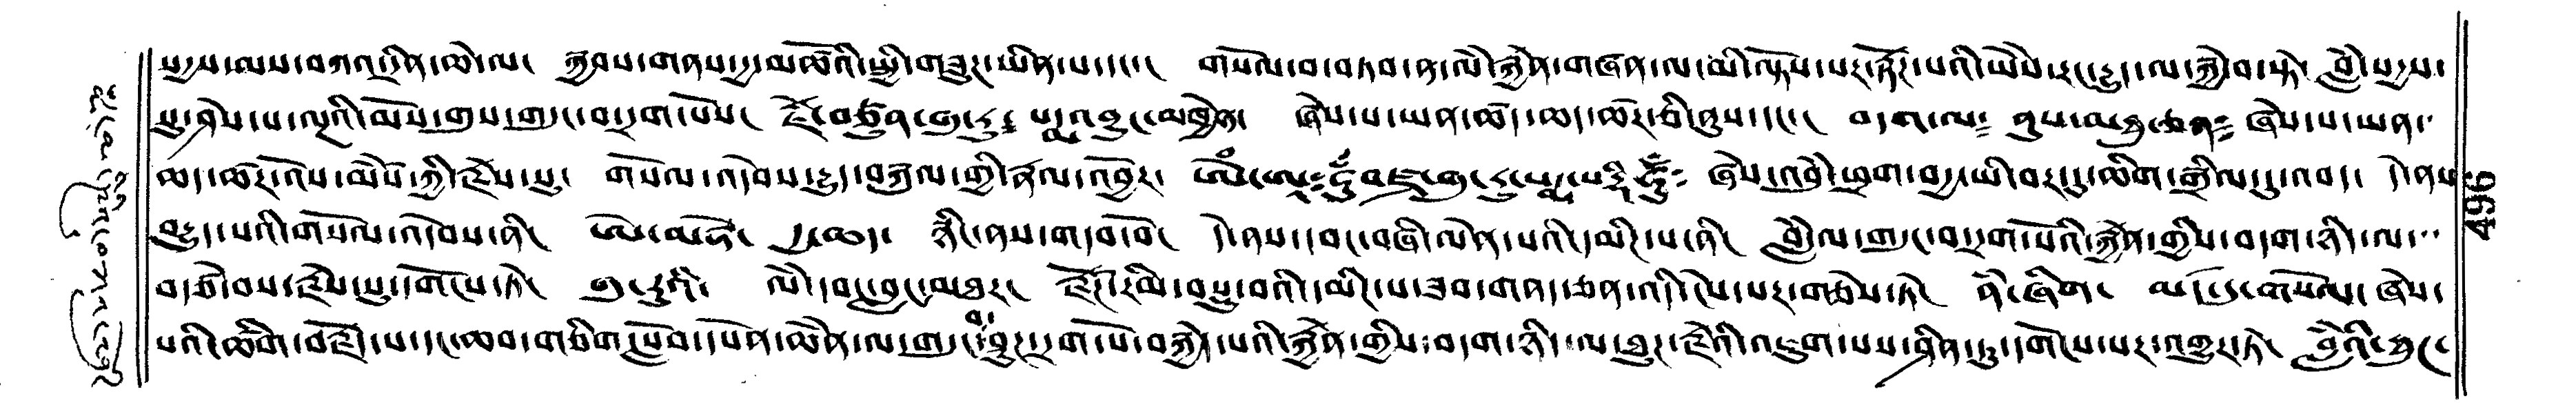སངས་རྒྱས་ལས་བཀའ་དྲིན་ཆེ་ལ། སྐྱབས་གནས་རྒྱ་མཚོའི་སྤྱི་གཟུགས་ཡིན་པ་དང་། གསོལ་བ་བཏབ་ན་ལམ་རྐྱེན་གཞན་ལ་མ་ལྟོས་པར་རྟོགས་པའི་ཡེ་ཤེས་རང་རྒྱུད་ལ་སྐྱེ་བ་སྟེ། བླ་མ་སངས་རྒྱས་
སུ་ཤེས་པ་ལྔའི་མོས་གུས་གདུང་བ་དྲག་པོས། རྗེ་བཙུན་གུ་རུ༴ པད་འབྱུང་མཁྱེན༔ ཞེས་པ་ཡན་ཆད་ཚར་ཅི་ནུས་དང་། བདག་ལ༴ ནུས་མཐུ་ཅན༔ ཞེས་པ་ཡན་
ཆད་ཚར་འོས་མཚམས་ཀྱི་རྗེས་སུ། གསོལ་འདེབས་རྒྱུད་བསྐུལ་གྱི་རྣལ་འབྱོར། ཨོཾ་ཨཱཿཧཱུྃ་བཛྲ་གུ་རུ་པདྨ་སདྡྷི་ཧཱུྃ༔ ཞེས་འབུམ་ཕྲག་བརྒྱ་ཡི་བར་དུ་ཆིག་སྒྲིལ་དུ་འབད། དེ་ནས་
བརྒྱུད་པའི་གསོལ་འདེབས་ནི། ཨེ་མཧོ༔ རྒྱ་ཆད༴ སྙིང་ནས་གདབ་བོ། དེ་ནས་དབང་བཞི་ལེན་པའི་དམིགས་པ་ནི། བླ་མ་ལ་གདུང་བ་དྲག་པོའི་རྐྱེན་གྱིས་བདག་ཉིད་ལ་
བརྩེ་བས་རྗེས་སུ་དགོངས་ཏེ། གུ་རུའི༴ ལམ་དབང་བླངས་མཐར། རྫོགས་རིམ་བསྡུ་བའི་དམིགས་པ་ཟབ་གནད་ཅན་འདི་ངེས་པར་གཅེས་ཏེ། ནམ་ཞིག༴ མཛད་དུ་གསོལ། ཞེས་
པའི་ཚིག་བརྗོད་པ་དང་ཆབས་གཅིག་སློབ་དཔོན་ཆེན་པོ་ལ་གདུང་བ་ཤུགས་དྲག་པོ་བསྐྱེད་པའི་རྐྱེན་གྱིས་བདག་ཉིད་ལ་ཐུགས་རྗེའི་འཇུག་པས་ཤིན་ཏུ་དགོངས་པར་གྱུར་ཏེ། བླ་མའི་ཐུགས་